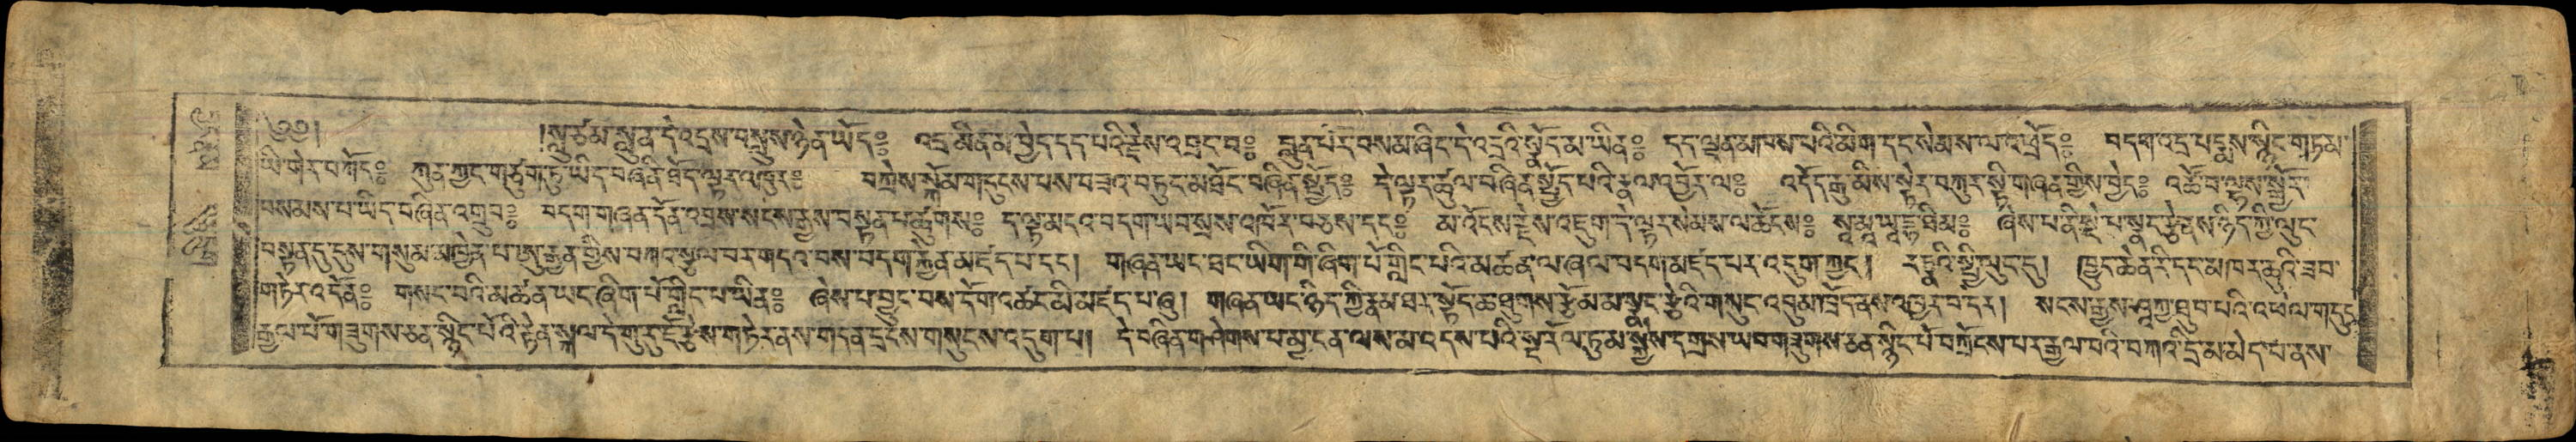༄༅། །སླུ་ཙམ་སླུ་ན་དེ་འདྲས་བསླུས་ཉེན་ཡོདཿ་འདྲེ་མིན་མ་བྱེད་དད་པའི་རྗེས་འབྲང་བཿ་བླུན་པོར་བསམ་ཞིང་དེ་འདྲའི་སྣོད་མ་ཡིནཿ་དད་ལྡན་མཁས་པའི་མིག་དང་སེམས་ལ་འཕྲོདཿ་བདག་འདྲ་པདམས་སྙིང་གཏམ་
ཡི་གེར་བཀོདཿ་ཀུན་ཀྱང་གཙུག་ཏུ་ཡིད་བཞིན་ཐོད་ལྟར་འཁུརཿ་བཀྲེས་སྐོམ་གདུངས་པས་བཟའ་བཏུང་མཐོང་བཞིན་སྤྱོདཿ་དེ་ལྟར་ཚུལ་བཞིན་སྤྱོད་པའི་རྣལ་འབྱོར་ལཿ་འདོད་རྒུ་མིས་སྟེར་བཀུར་སྟི་གཞན་གྱིས་བྱེདཿ་འཚོ་བ་ལྷས་སྦྱོར་
བསམས་པ་ཡིད་བཞིན་འགྲུབཿ་བདག་གཞན་དོན་འབྲས་སངས་རྒྱས་བསྟན་པ་ཚུགསཿ་ད་ལྟ་མངའ་བདག་ཡབ་སྲས་འཁོར་བཅས་དངཿ་མ་འོངས་རྗེས་འཇུག་དེ་ལྟར་སེམས་ལ་ཆོངསཿ་སཱ་མཱ་ཡཱ་དྷ་ཐེམཿ་ཞེས་པ་ནི་སྡེ་བ་སྣང་རྩེ་ནས་ཉིད་ཀྱི་ལུང་
བསྟན་དུ་དུས་གསུམ་མཁྱེན་པ་ཨུ་རྒྱན་གྱིས་བཀའ་སྩལ་བར་གདའ་བས་བདག་རྐྱེན་མཛད་པ་དང་། གཞན་ཡང་ཐང་ཡིག་གི་ཞིག་པོ་གླིང་བའི་མཚན་ལ་ཞལ་བདག་མཛད་པར་འདུག་ཀྱང་། རཏྣའི་སྤྱི་ལུང་དུ། ཁྱུང་ཆེན་རེ་དང་མཁར་ཆུའི་ཟབ་
གཏེར་འདོནཿ་གསང་བའི་མཚན་ཡང་ཞིག་པོ་གླིང་བ་ཡིནཿ་ཞེས་པ་བྱུང་བས་དོག་འཚང་མི་མཛད་པ་ཞུ། གཞན་ཡང་ཉིད་ཀྱི་རྣམ་ཐར་སྟོད་ཆ་ཐུགས་རྩོམ་མ་སྣང་རྩེའི་གསུང་འབུམ་ཁྲོད་ནས་འཁྱར་བ་དེར། སངས་རྒྱས་ཤཱཀྱ་ཐུབ་པའི་འཕེལ་གདུང་
རྒྱལ་པོ་གཟུགས་ཅན་སྙིང་བོའི་རྟེན་སྐལ་དེ་གུ་རུ་ཇོ་རྩེས་གཏེར་ནས་གདན་དྲངས་གསུངས་འདུག་པ། དེ་བཞིན་གཤེགས་པ་མྱ་ངན་ལས་མ་འདས་པའི་སྔ་རོལ་ཏུ་མ་སྐྱེས་དགྲས་ཡབ་གཟུགས་ཅན་སྙིང་པོ་བཀྲོངས་པར་རྒྱལ་བའི་བཀའ་དྲི་མ་མེད་པ་ནས་